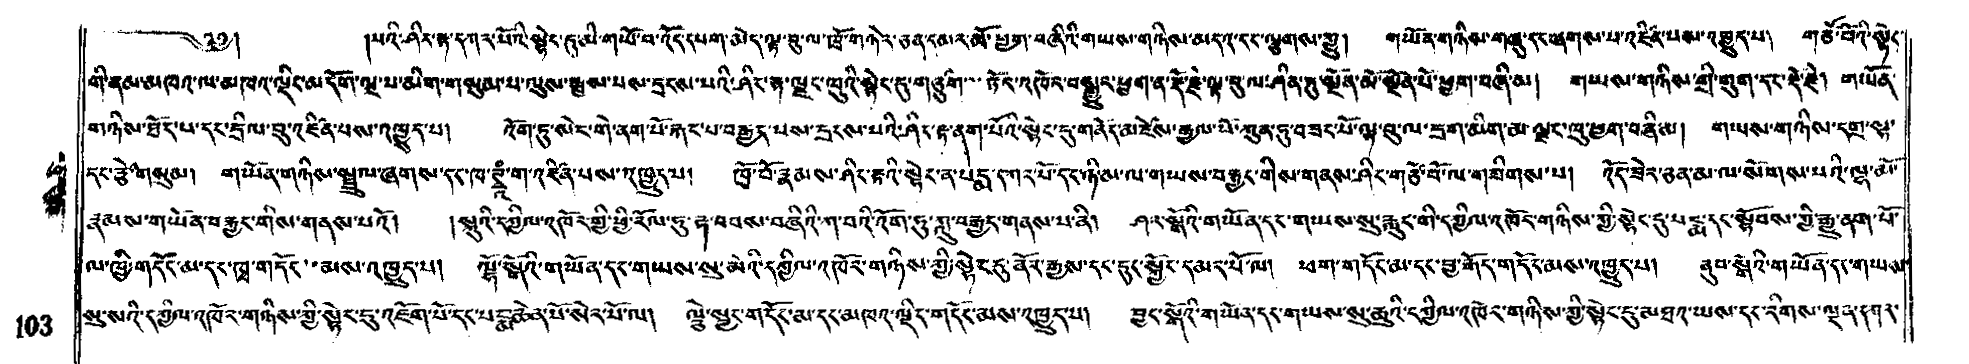༄༅། །པའི་ཤིང་རྟ་དཀར་པོའི་སྟེང་དུ་མི་གཡོ་བ་འོད་དཔག་མེད་ལྟ་བུ་ལ་ཁྲོ་གཉེར་ཅན་དམར་མོ་ཕྱག་བཞིའི་གཡས་གཉིས་མདའ་དང་ལྕགས་ཀྱུ། གཡོན་གཉིས་གཞུ་དང་ཞགས་པ་འཛིན་པས་འཁྱུད་པ། གཙོ་བོའི་སྟེང་
གི་ནམ་མཁའ་ལ་མཁའ་ལྡིང་མདོག་ལྔ་པ་མིག་གསུམ་པ་ལུས་རྒྱས་པས་དྲངས་པའི་ཤིང་རྟ་ལྗང་ཁུའི་སྟེང་དུ་གཙུག་ཏོར་འཁོར་བསྒྱུར་ཕྱག་ན་རྡོ་རྗེ་ལྟ་བུ་ལ་ཤིན་ཏུ་སྔོན་མོ་སྔོན་པོ་ཕྱག་བཞི་ལ། གཡས་གཉིས་གྲི་གུག་དང་རྡོ་རྗེ། གཡོན་
གཉིས་ཐོད་པ་དང་དྲིལ་བུ་འཛིན་པས་འཁྱུད་པ། འོག་ཏུ་སེང་གེ་ནག་པོ་རྐང་པ་བརྒྱད་པས་དྲངས་པའི་ཤིང་རྟ་ནག་པོའི་སྟེང་དུ་གནོད་མཛེས་རྒྱལ་པོ་ཀུན་ཏུ་བཟང་པོ་ལྟ་བུ་ལ་དྲག་མིག་མ་ལྗང་ཁུ་ཕྱག་བཞི་ལ། གཡས་གཉིས་དགྲ་སྟ་
དང་རྩེ་གསུམ། གཡོན་གཉིས་སྦྲུལ་ཞགས་དང་ཁ་ཊྭཱཾ་ག་འཛིན་པས་འཁྱུད་པ། ཁྲོ་བོ་རྣམས་ཤིང་རྟའི་སྟེང་ན་པདམ་དཀར་པོ་དང་ཉི་མ་ལ་གཡས་བརྐྱང་གིས་གནས་ཤིང་གཙོ་བོ་ལ་གཟིགས་པ། འོད་ཟེར་ཅན་མ་ལ་སོགས་པའི་ལྷ་མོ་
རྣམས་གཡོན་བརྐྱང་གིས་གནས་པའོ། །སྐུའི་དཀྱིལ་འཁོར་གྱི་ཕྱི་རོལ་ཏུ་རྟ་བབས་བཞིའི་ཀ་བའི་འོག་ཏུ་ཀླུ་བརྒྱད་གནས་པ་ནི། ཤར་སྒོའི་གཡོན་དང་གཡས་སུ་རླུང་གི་དཀྱིལ་འཁོར་གཉིས་ཀྱི་སྟེང་དུ་པདམ་དང་སྟོབས་ཀྱི་རྒྱུ་ནག་པོ་
ལ་ཁྱི་གདོང་མ་དང་ཁྭ་གདོང་མས་འཁྱུད་པ། ལྷོ་སྒོའི་གཡོན་དང་གཡས་སུ་མེའི་དཀྱིལ་འཁོར་གཉིས་ཀྱི་སྟེང་དུ་ནོར་རྒྱས་དང་དུང་སྐྱོང་དམར་པོ་ལ། ཕག་གདོང་མ་དང་བྱ་རྒོད་གདོང་མས་འཁྱུད་པ། ནུབ་སྒོའི་གཡོན་དང་གཡས་
སུ་སའི་དཀྱིལ་འཁོར་གཉིས་ཀྱི་སྟེང་དུ་འཇོག་པོ་དང་པདམ་ཆེན་པོ་སེར་པོ་ལ། ལྕེ་སྤྱང་གདོང་མ་དང་མཁའ་ལྡིང་གདོང་མས་འཁྱུད་པ། བྱང་སྒོའི་གཡོན་དང་གཡས་སུ་ཆུའི་དཀྱིལ་འཁོར་གཉིས་ཀྱི་སྟེང་དུ་མཐའ་ཡས་དང་རིགས་ལྡན་དཀར་